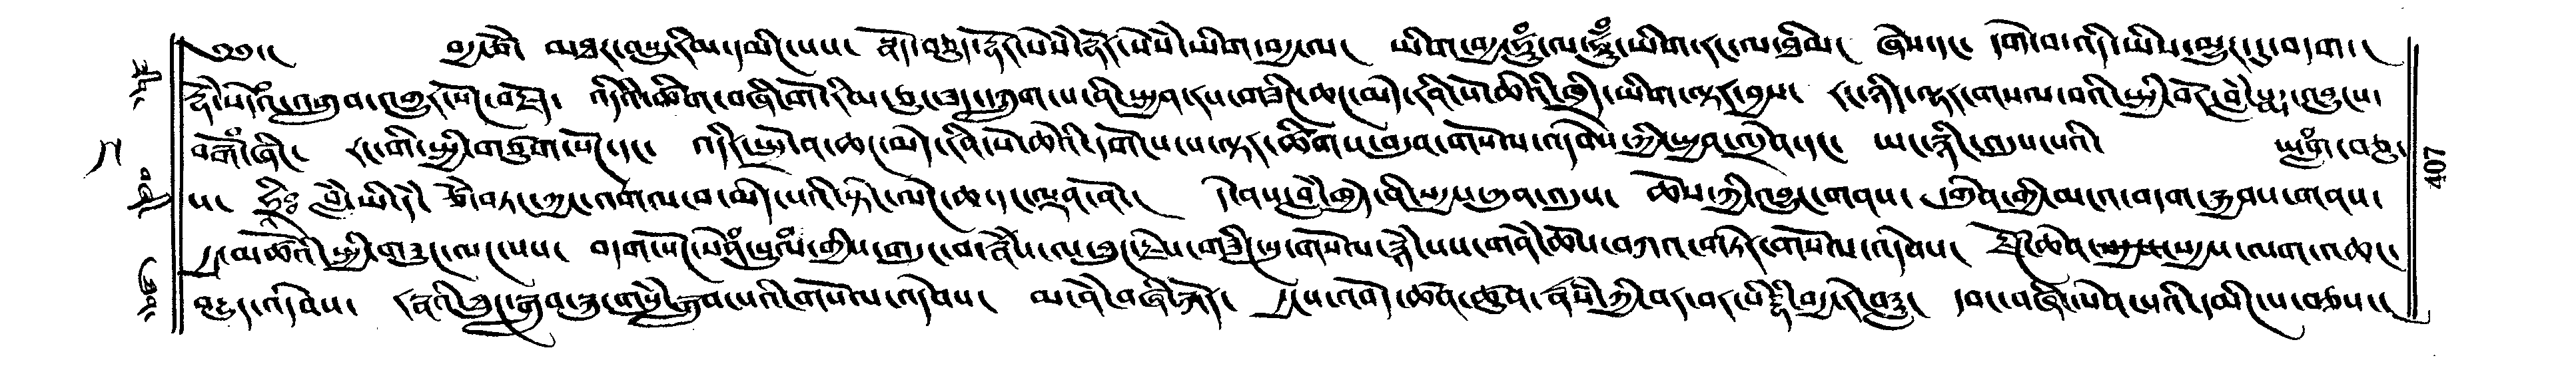བརྒྱ་ཙམ། མཐར་བསྡུ་རིམ་དམིགས་པས། སྣོད་བཅུད་རྡོར་སེམས་རྡོར་སེམས་ཡིག་བརྒྱ་ལ། །ཡིག་བརྒྱ་ཧཱུྃ་ལ་ཧཱུྃ་ཡིག་རང་ལ་ཐིམ། །ཞེས་དང་། དགེ་བ་འདི་ཡིས་མྱུར་དུ་བདག །
རྡོ་རྗེ་སེམས་དཔའ་འགྲུབ་གྱུར་སོགས་བརྗོད། འདིའི་ཚིག་བཞི་གོ་རིམ་ཅུང་ཟད་དཀྲུགས་པ་ནི་སྤྱན་རས་གཟིགས་ཆགས་མེད་རིན་པོ་ཆེའི་ཁྲིད་ཡིག་ལྟར་བྱས། རང་ཉིད་ལྷར་གསལ་བའི་སྤྱི་བོར་བླ་མ་པདྨ་འབྱུང་གནས་
བསྒོམ་ཞིང་། རང་གི་སྤྱི་གཙུག་སོགས་དང་། འདིར་སྤྲོ་ན་ཆགས་མེད་རིན་པོ་ཆེའི་དགོངས་པ་ལྟར་ཚིག་བདུན་གསོལ་འདེབས་ཀྱི་སྤྱན་འདྲེན་དང་། ཡང་སྙིང་འདུས་པའི་ ཡན་ལག་བཅུ་
པ། ཧྲཱིཿ བླ་མ་ཡི་དམ་ཙམ་བཏང་ཀྱང་འགལ་བ་མེད་པའི་སྟེང་ལེགས་ཆ་དང་ལྡན་ནོ། དེ་ནས། བླ་མ་ཁྱེད་ནི་སངས་རྒྱས་ཀུན་འདུས། ཆོས་ཀྱི་འབྱུང་གནས། དགེ་འདུན་གྱི་མངའ་བདག སྐྱབས་གནས་
རྒྱ་མཚོའི་སྤྱི་གཟུགས་ལགས་པས། བདག་སོགས་སེམས་ཅན་སྡུག་བསྔལ་གྱིས་གདུངས་བ་རྣམས་ལ་ཐུགས་རྗེས་གཟིགས་སུ་གསོལ་སྙམ་པས་གནམ་ཆོས་བཀའ་གཏེར་གསོལ་འདེབས། རྫོགས་ཆེན་སངས་རྒྱས་ལག་འཆང་
བརྒྱུད་འདེབས། རཏྣའི་ཐུགས་སྒྲུབ་སྐུ་གསུམ་སྒྲུབ་པའི་གསོལ་འདེབས། མ་ནམ་བཞི་སྐོར། རྒྱང་འབོད་ཚན་ཚུན་རྣམས་ཀྱི་བར་བར་སིདྡྷི་བརྒྱ་རེ་བཟླ། དབང་བཞི་ལེན་པའི་དམིགས་པ་བཅས།